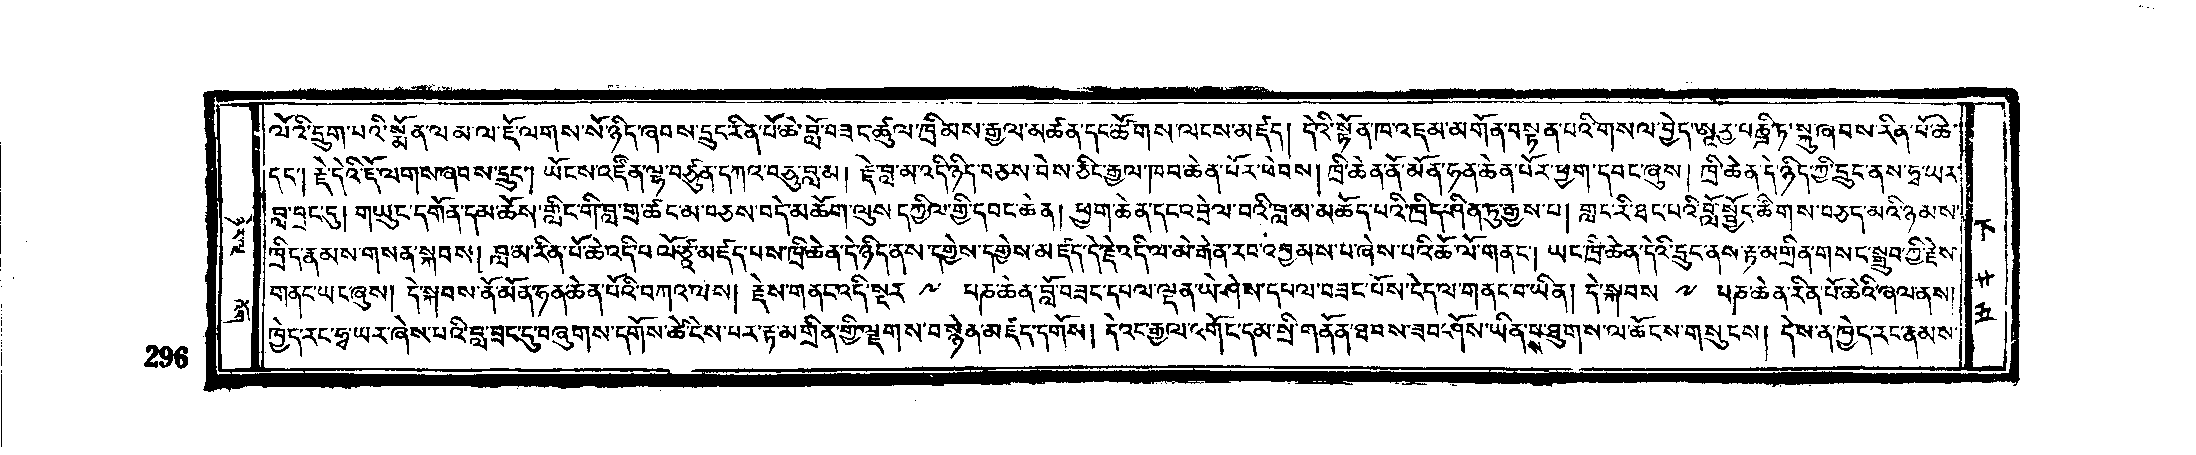ལོའི་དྲུག་པའི་སྨོན་ལམ་ལ་ཇོ་ལགས་སོ་ཉིད་ཞབས་དྲུང་རིན་པོ་ཆེ་བློ་བཟང་ཚུལ་ཁྲིམས་རྒྱལ་མཚན་དང་ཚོགས་ལངས་མཛད། དེའི་སྟོན་ཁ་འཇམ་མགོན་བསྟན་པའི་གསལ་བྱེད་ཨཱརྱ་པཎྜི་ཏ་སྐུ་ཞབས་རིན་པོ་ཆེ་
དང་། རྗེ་དེའི་ཇོ་ལགས་ཞབས་དྲུང་། ཡོངས་འཛིན་ལྷ་བཙུན་དཀའ་བཅུ་བླ་མ། རྗེ་བླ་མ་འདི་ཉིད་བཅས་བེས་ཅིང་རྒྱལ་ཁབ་ཆེན་པོར་ཕེབས། ཁྲི་ཆེན་ནོ་མོན་ཧན་ཆེན་པོར་ཕྱག་དབང་ཞུས། ཁྲི་ཆེན་དེ་ཉིད་ཀྱི་དྲུང་ནས་ཧྭ་ཡར་
བླ་བྲང་དུ། གཡུང་དགོན་དམ་ཆོས་གླིང་གི་བླ་གྲ་ཚང་མ་བཅས་བདེ་མཆོག་ལུས་དཀྱིལ་གྱི་དབང་ཆེན། ཕྱག་ཆེན་དང་འབྲེལ་བའི་བླ་མ་མཆོད་པའི་ཁྲིད་ཤིན་ཏུ་རྒྱས་པ། གླང་རི་ཐང་པའི་བློ་སྦྱོང་ཚིགས་བཅད་མའི་ཉམས་
ཁྲིད་རྣམས་གསན་སྐབས། བླ་མ་རིན་པོ་ཆེ་འདི་པ་ལོ་ཙཱ་མཛད་པས་ཁྲི་ཆེན་དེ་ཉིད་ནས་དགྱེས་དགྱེས་མཛད་དེ་རྗེ་འདི་ལ་མེ་རྒེན་རབ་འབྱམས་པ་ཞེས་པའི་ཆོ་ལོ་གནང་། ཡང་ཁྲི་ཆེན་དེའི་དྲུང་ནས་རྟ་མགྲིན་གསང་སྒྲུབ་ཀྱི་རྗེས་
གནང་ཡང་ཞུས། དེ་སྐབས་ནོ་མོན་ཧན་ཆེན་པོའི་བཀའ་ལས། རྗེས་གནང་འདི་སྔར ༧་པཎ་ཆེན་བློ་བཟང་དཔལ་ལྡན་ཡེ་ཤེས་དཔལ་བཟང་པོས་ངེད་ལ་གནང་བ་ཡིན། དེ་སྐབས ༧་པཎ་ཆེན་རིན་པོ་ཆེའི་ཞལ་ནས།
ཁྱེད་རང་ཧྭ་ཡར་ཞེས་པའི་བླ་བྲང་དུ་བཞུགས་དགོས་ཚེ་ངེས་པར་རྟ་མགྲིན་གྱི་ལྗགས་བསྙེན་མཛད་དགོས། དེའང་རྒྱལ་འགོང་དམ་སྲི་གནོན་ཐབས་ཟབ་ཤོས་ཡིན་པས་ཐུགས་ལ་ཆོངས་གསུངས། དེས་ན་ཁྱེད་རང་རྣམས་